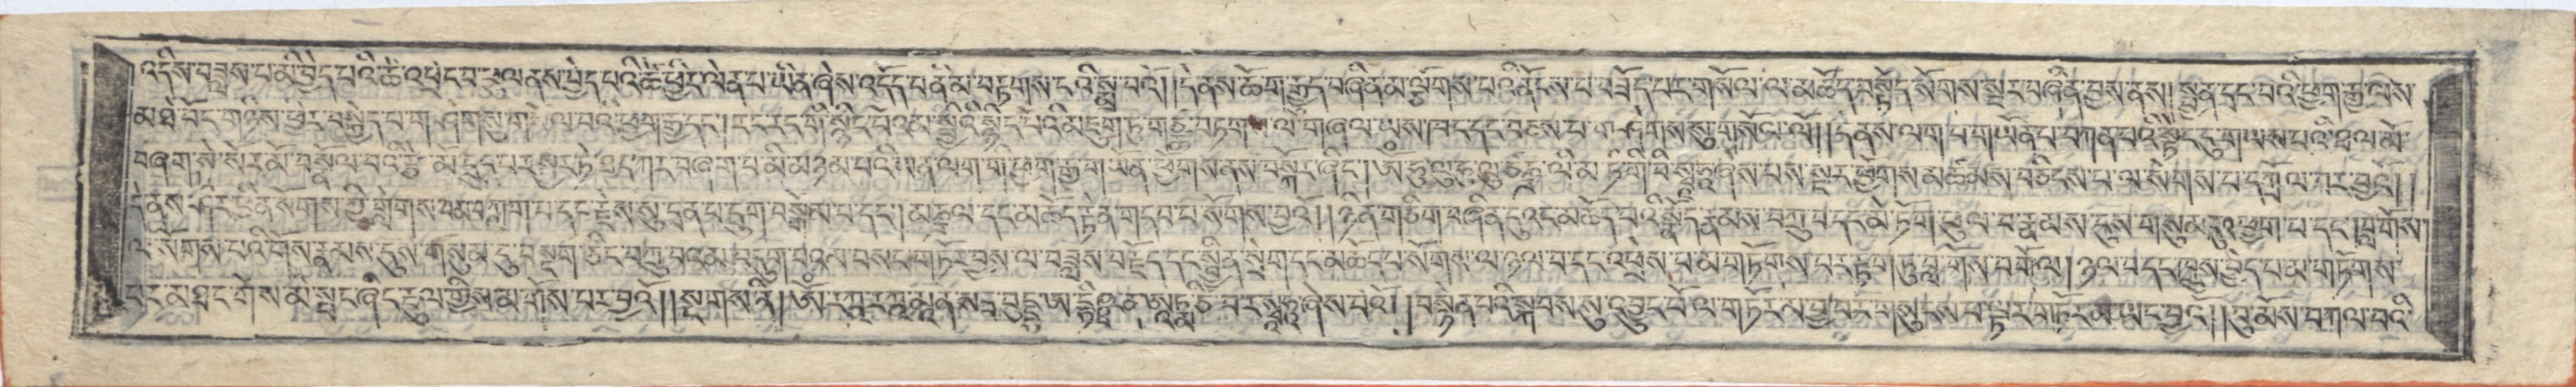འདིས་བཟླས་པ་མི་བྱེད་པའི་ཚེ་འཕྲེང་བ་ཕུལ་ནས་བྱེད་པའི་ཚེ་ཕྱིར་ལེན་པ་ཡིན་ཞེས་འདོད་པ་ནི་མ་བརྟགས་པའི་སྨྲ་བའོ། །དེ་ནས་ཆོ་ག་རྒྱུད་བཞིན་མ་ལྕོགས་པའི་ནོངས་པ་བཟོད་པར་གསོལ་ལ་མཆོད་བསྟོད་སོགས་སྔར་བཞིན་བྱས་ནས། །སྤྱན་དྲང་བའི་ཕྱག་རྒྱ་ལས་
མཐེ་བོང་གཉིས་ཕྱིར་བསྐྱེད་པ་གཤེགས་སུ་གསོལ་བའི་ཕྱག་རྒྱ་དང་། རང་རང་གི་སྙིང་པོའམ་སྤྱིའི་སྙིང་པོའི་མཇུག་ཏུ་གཙྪ་བཏགས་ལ་གཞལ་ཡས་ཁང་དང་བཅས་པ་གཤེགས་སུ་གསོལ་ལོ། །དེ་ནས་ལག་པ་གཡོན་པ་བཀན་པའི་སྟེང་དུ་གཡས་པའི་ཐལ་མོ་
བཞག་སྟེ་སོར་མོ་བསྣོལ་བའི་རྩེ་མོ་དྲུད་པར་སྦྱར་ཏེ་ཐད་ཀར་བཞག་པ་མི་མཉམ་པའི་ཡན་ལག་གི་ཕྱག་རྒྱ་གཡོན་ཕྱོགས་ནས་བསྐོར་ཞིང་། ཨོཾ་ཧུ་ལུ་ཧུ་ལུ་ཙཎྜ་ལི་མ་ཏི་གི་བི་སྭཱ་ཧཱ་ཞེས་པས་སྔར་ཕྱོགས་མཚམས་བཅིངས་པ་ལ་སོགས་པ་དཀྲོལ་བར་བྱའོ། །
དེ་ནས་ཤེར་ཕྱིན་སོགས་ཀྱི་གླེགས་བམ་བཀླག་པ་དང་རྗེས་སུ་དྲན་པ་དྲུག་བསྒོམ་པ་དང་། མཎྜལ་དང་མཆོད་རྟེན་གདབ་པ་སོགས་བྱའོ། །ཉིན་གཅིག་བཞིན་དུའང་མཆོད་པའི་སྣོད་རྣམས་བཀྲུ་བ་དང་མེ་ཏོག་ཕུལ་བ་རྣམས་དུས་གསུམ་དུ་འཕྱག་པ་དང་། བློ་གོས་
ལ་སོགས་པའི་གོས་རྣམས་དུས་གསུམ་དུ་བསྡག་ཅིང་བཀྲུ་བའམ་བདུག་པའམ་བསང་གཏོར་བྱས་ལ་བཟླས་བརྗོད་དང་སྦྱིན་སྲེག་དང་མཆོད་པ་སོགས་ལ་ཉལ་བ་དང་འཕྲེས་པ་མ་གཏོགས་པར་རྟག་ཏུ་བླ་གོས་བགོ་ལ། ཉལ་བ་དང་ཁྲུས་བྱེད་པ་མ་གཏོགས་
པར་མཐང་གོས་མི་སྤང་ཞིང་རྡུལ་གྱིས་མ་གོས་པར་བྱའོ། །སྔགས་ནི། ཨོཾ་རཀྵ་རཀྵ་མཱན་སརྦ་བུདྡྷ་ཨ་དྷི་ཥཊཿཨ་ན་ཨཱཏྨ་ཙི་བ་ར་སྭཱ་ཧཱ་ཞེས་པའོ། །བསྙེན་པའི་སྐབས་སུ་འབྱུང་པོ་ལ་གཏོར་མ་བྱ་བར་གསུངས་པ་ལྟར་གཏོར་མ་ཡང་བྱའོ། །བུ་མོས་བཀལ་བའི་